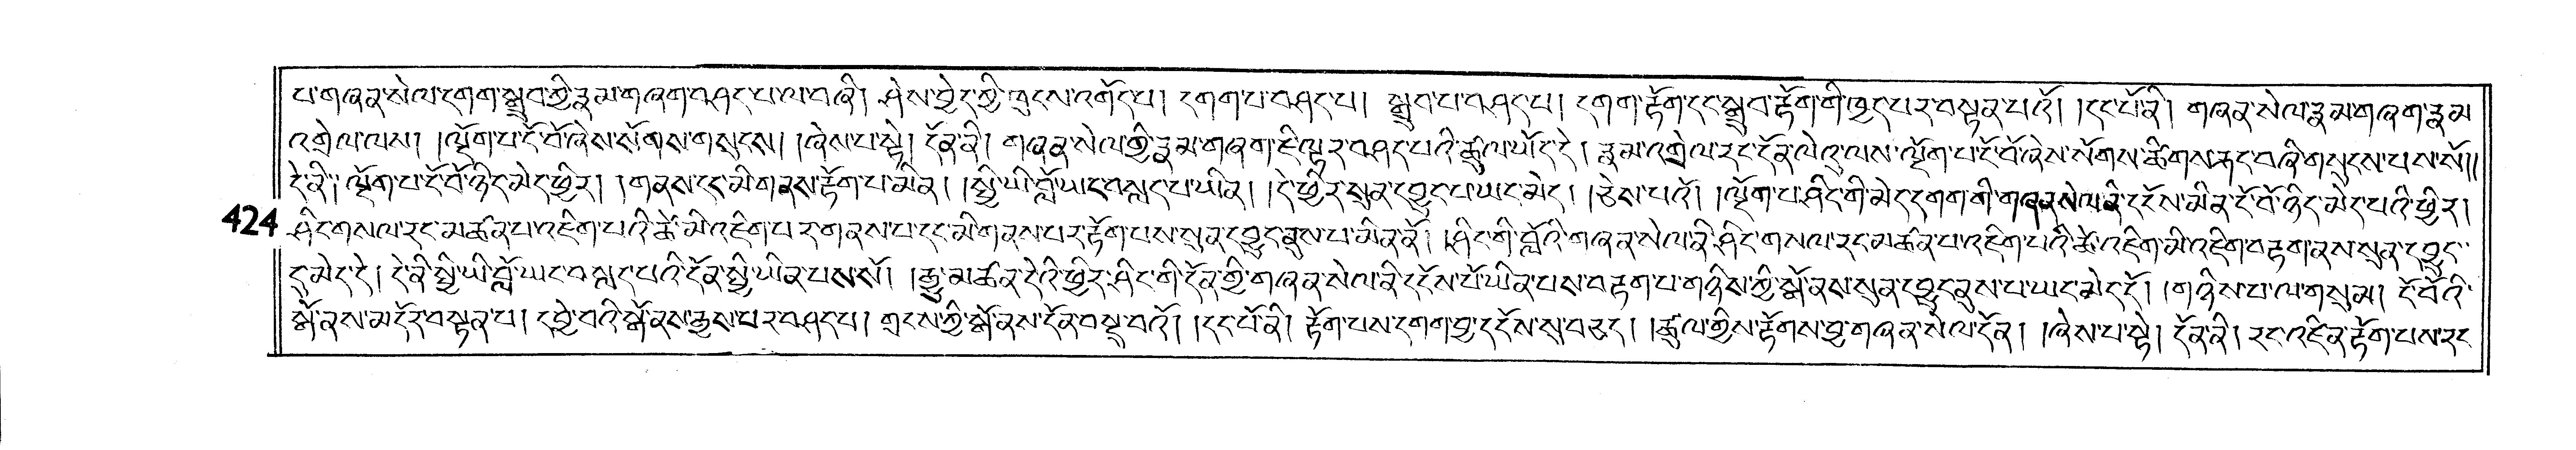པ་གཞན་སེལ་དགག་སྒྲུབ་ཀྱི་རྣམ་གཞག་བཤད་པ་ལ་བཞི། ཤེས་བྱེ་དཀྱི་ཁུངས་འགོད་པ། དགག་པ་བཤད་པ། སྒྲུབ་པ་བཤད་པ། དགག་རྟོག་དང་སྒྲུབ་རྟོག་གི་ཁྱད་པར་བསྟན་པའོ། །དང་པོ་ནི། གཞན་སེལ་རྣམ་གྷྯག་རྣམ་
འགྲེལ་ལས། །ལྡོག་པ་ངོ་བོ་ཞེས་སོགས་གསུངས། །ཞེས་པ་སྟེ། དོན་ནི། གཞན་སེལ་གྱི་རྣམ་གཞག་ཇི་ལྟར་བཤད་པའི་ཚུལ་ཡོད་དེ། རྣམ་འགྲེལ་རང་དོན་ལེའུ་ལས་ལྡོག་པ་ངོ་བོ་ཞེས་སོགས་ཚིགས་རྐང་བཞི་གསུངས་པས་སོ། །
དེ་ནི༑ ལྡོག་པ་ངོ་བོ་ཉིད་མེད་ཕྱིར། །གནས་དང་མི་གནས་རྟོགས་པ་མིན། །སྤྱི་ཡི་བློ་ཡང་བསླད་པ་ཡིན། དེ་ཕྱིར་སུན་དབྱུང་པ་ཡང་མེད། །ཅེས་པའོ། །ལྡྒོ་པ་ཤིགན་གི་མེད་དགག་གི་གཞན་སེལ་ནི་དངོས་མིན་ངོ་ངོ་ཉིད་མེད་པའི་ཕྱིར།
ཤིང་གསལ་རང་མཚན་པ་འཇིག་པའི་ཚེ་མི་འཇིག་པར་གནས་པ་དང་མི་གནས་པར་རྟོག་པས་སུན་དབྱུང་ནུས་པ་མིན་ནོ། །ཤིགན་གི་བློའི་གཞན་སེལ་ནི་ཤིང་གསལ་རང་མཚན་པ་འཇིག་པའི་ཚེ་འཇིག་མི་འཇིག་བརྟག་ནས་སུན་དབྱུང་
དུ་མེད་དེ། དེ་ནི་སྤྱི་ཡི་བློ་ཡང་བསླད་པའི་དོན་སྤྱི་ཡིན་པས་སོ། །རྒྱུ་མཚན་དེའི་ཕྱིར་ཤིང་གི་དོན་གྱི་གཞན་སེལ་ནི་དངོས་པོ་ཡིན་པས་བརྟག་པ་གཉིས་ཀྱི་སྒོ་ནས་སུན་དབྱུང་ནུས་པ་ཡང་མེད་དོ། །གཉིས་པ་ལ་གསུམ། ངོ་བོའི་
སྒོ་ནས་མདོར་བསྟན་པ།དབྱེ་བའི་སྒོ་ནས་རྒྱས་པར་བཤད་པ། གྲངས་ཀྱི་སྒོ་ནས་དོན་བསྡུ་བའོ། །དང་པོ་ནི། རྒྟོག་པས་དགག་བྱ་དངོས་སུ་བཅད། །ཚུལ་གྱིས་རྟོགས་བྱ་གཞན་སླ་དོན། །ཞེས་པ་སྟེ། དོན་ནི། རང་འཛིན་རྟོག་པས་རང་